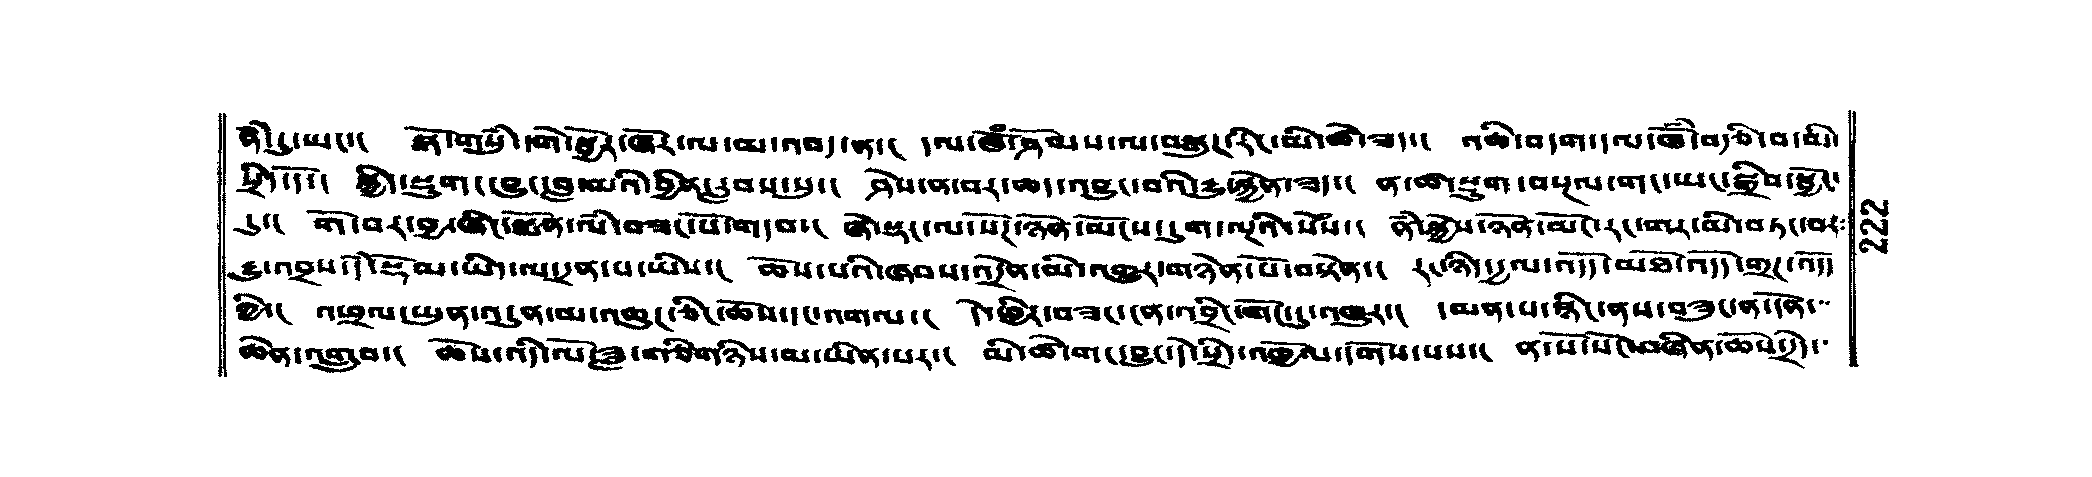ནམ་དུ་ཡང་། །སྒོ་གསུམ་དགེ་སྦྱོར་ཞོར་ལ་མ་འབད་ན། །དལ་ཁོམ་ཤོམས་ལ་བསྒུགས་རིང་མི་ཚེ་ཟད། །འཆི་བདག་དལ་ཁོམ་བརྩི་བ་མི་
སྲིད་དོ། །སྐྱིད་སྡུག་གང་བྱུང་བླ་མའི་བྱིན་རླབས་སུ། །ཤེས་ན་བར་ཆད་འབྱུང་བའི་རྒྱུ་རྐྱེན་ཟད། །ན་ཚ་སྡུག་བསྔལ་གང་ཡང་སྒྲིབ་སྦྱོང་
དུ། །གོ་བར་བྱ་ཞིང་སྨོན་ལམ་བཟང་པོ་གདབ། །ཞེ་སྡང་ལ་སོགས་ཉོན་མོངས་དུག་ལྔའི་སེམས། །ནམ་སྐྱེས་ཉོན་མོངས་རང་གར་མི་བཏང་བར། །
རྒྱུ་འབྲས་དམ་སྡོམ་ཡིད་ལ་དྲན་པ་ཡིས། །ཆོས་པའི་ཞབས་འདྲེན་མི་འགྱུར་གཉེན་པོ་བསྟེན། །རང་ཉིད་རྒྱལ་འདོད་མཐོ་འདོད་གྲགས་འདོད་
ཀྱི། །འཕྲལ་ཡུན་འདུན་མ་འཆུགས་ཅིང་ཆོས་དང་འགལ། །དེ་ཕྱིར་བཟང་ངན་འབྲིང་གསུམ་གོང་དུ་འཁུར། །དམན་ས་སྙིང་ནས་བཟུང་ན་དོན་
ཆེན་འགྲུབ། །ཆོས་འདི་ལོ་ཟླ་གཅིག་གཉིས་མ་ཡིན་པར། །མི་ཚེ་གང་བྱུང་དེ་སྲིད་འཁྱོལ་དགོས་པས། །ན་སོ་སོང་བཞིན་ཆོས་དྲེད་